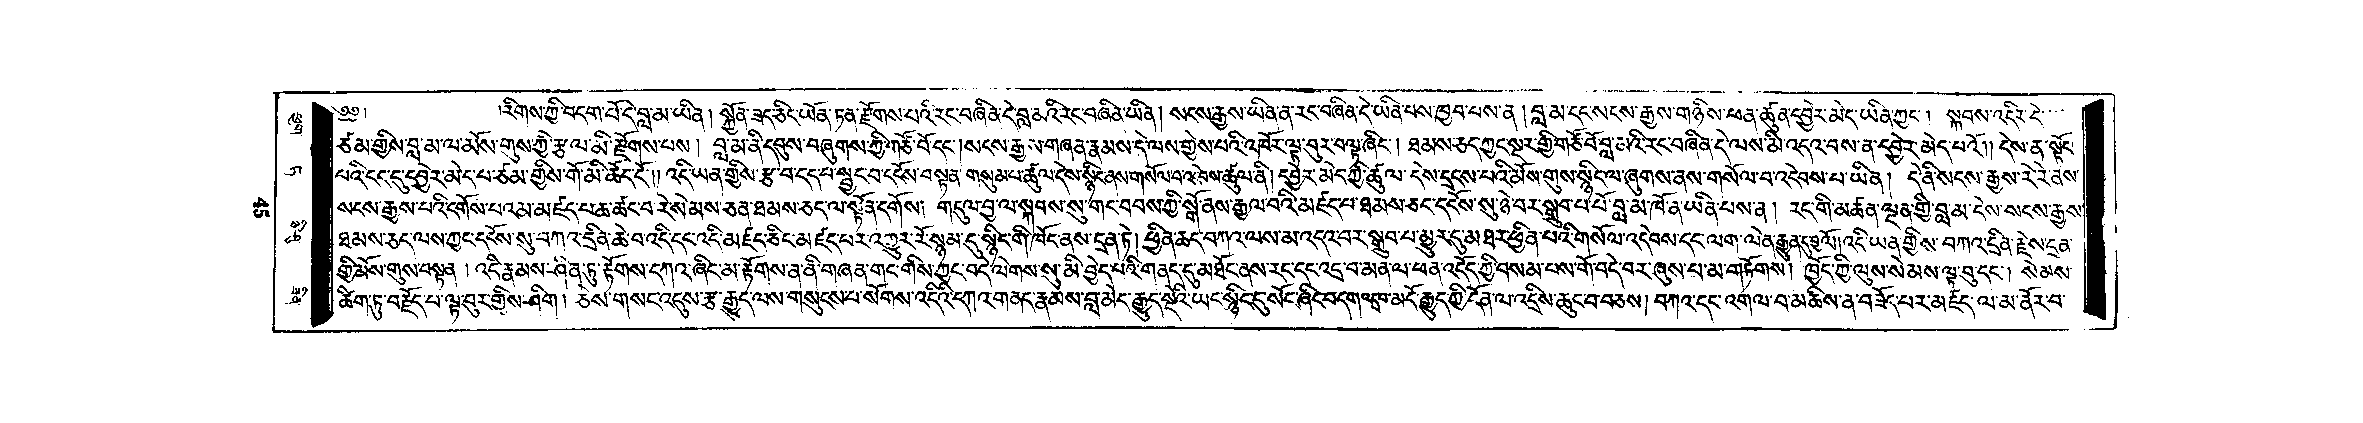༄༅། །རིགས་ཀྱི་བདག་པོ་དེ་བླ་མ་ཡིན། སྐྱོན་ཟད་ཅིང་ཡོན་ཏན་རྫོགས་པའི་རང་བཞིན་དེ་བླ་མའི་རང་བཞིན་ཡིན། སངས་རྒྱས་ཡིན་ན་རང་བཞིན་དེ་ཡིན་པས་ཁྱབ་པས་ན། བླ་མ་དང་སངས་རྒྱས་གཉིས་ཕན་ཚུན་དབྱེར་མེད་ཡིན་ཀྱང་། སྐབས་འདིར་དེ་
ཙམ་གྱིས་བླ་མ་ལ་མོས་གུས་ཀྱི་རྩལ་མི་རྫོགས་པས། བླ་མ་ནི་དབུས་བཞུགས་ཀྱི་གཙོ་བོ་དང་། སངས་རྒྱས་གཞན་རྣམས་དེ་ལས་གྱེས་པའི་འཁོར་ལྟ་བུར་བལྟ་ཞིང་། ཐམས་ཅད་ཀྱང་སྔར་གྱི་གཙོ་བོ་བླ་མའི་རང་བཞིན་དེ་ལས་མི་འདའ་བས་ན་དབྱེར་མེད་པའོ། །དེས་ན་སྟོང་
པའི་ངང་དུ་དབྱེར་མེད་པ་ཙམ་གྱིས་གོ་མི་ཆོད་དོ། །འདི་ཡན་གྱིས་རྩ་བ་དད་པ་སྦྱང་བ་དངོས་བསྟན་གསུམ་པ་ཚུལ་དེས་སྙིང་ནས་གསོལ་བ་འདེབས་ཚུལ་ནི། དབྱེར་མེད་ཀྱི་ཚུལ་དེས་དྲངས་པའི་མོས་གུས་སྙིང་ལ་ཞུགས་ནས་གསོལ་བ་འདེབས་པ་ཡིན། དེ་ནི་སངས་རྒྱས་རེ་རེ་ནས་
སངས་རྒྱས་པའི་དགོས་པའམ་མཛད་པ་ཆ་ཚང་བ་རེ་སེམས་ཅན་ཐམས་ཅད་ལ་སྟོན་དགོས། གདུལ་བྱ་ལ་སྐབས་སུ་གང་བབས་ཀྱི་སྒོ་ནས་རྒྱལ་བའི་མཛད་པ་ཐམས་ཅད་དངོས་སུ་ཉེ་བར་སྒྲུབ་པ་པོ་བླ་མ་ཁོ་ན་ཡིན་པས་ན། རང་གི་མཚན་ལྡན་གྱི་བླ་མ་དེས་སངས་རྒྱས་
ཐམས་ཅད་ལས་ཀྱང་དངོས་སུ་བཀའ་དྲིན་ཆེ་བ་འདི་དང་འདི་མཛད་ཅིང་མཛད་པར་འགྱུར་རོ་སྙམ་དུ་སྙིང་གི་ཁོང་ནས་དྲན་ཏེ། ཕྱིན་ཆད་བཀའ་ལས་མ་འདའ་བར་སྒྲུབ་པ་མྱུར་དུ་མཐར་ཕྱིན་པའི་གསོལ་འདེབས་དང་ལག་ལེན་རྒྱུན་དུ་བྱའོ། །འདི་ཡན་གྱིས་བཀའ་དྲིན་རྗེས་དྲན་
གྱི་མོས་གུས་བསྟན། འདི་རྣམས་ཤིན་ཏུ་རྟོགས་དཀའ་ཞིང་མ་རྟོགས་ན་ནི་གཞན་གང་གིས་ཀྱང་བདེ་ལེགས་སུ་མི་བྱེད་པའི་གནད་དུ་མཐོང་ནས་རང་དང་འདྲ་བ་མན་ལ་ཕན་འདོད་ཀྱི་བསམ་པས་གོ་བདེ་བར་ཞུས་པ་མ་གཏོགས། ཁྱོད་ཀྱི་ལུས་སེམས་ལྟ་བུ་དང་། སེམས་
ཚིག་ཏུ་བརྗོད་པ་ལྟ་བུར་གྱིས་ཤིག །ཅེས་གསང་འདུས་རྩ་རྒྱུད་ལས་གསུངས་པ་སོགས་འདིའི་དཀའ་གནད་རྣམས་བླ་མེད་རྒྱུད་སྡེའི་ཡང་སྙིང་དུ་སོང་ཞིང་བདག་འདྲ་བ་མདོ་རྒྱུད་ཀྱི་དོན་ལ་འདྲིས་ཆུང་བ་བཅས། བཀའ་དང་འགལ་བ་མཆིས་ན་བཟོད་པར་མཛད་ལ་མ་ནོར་བ་